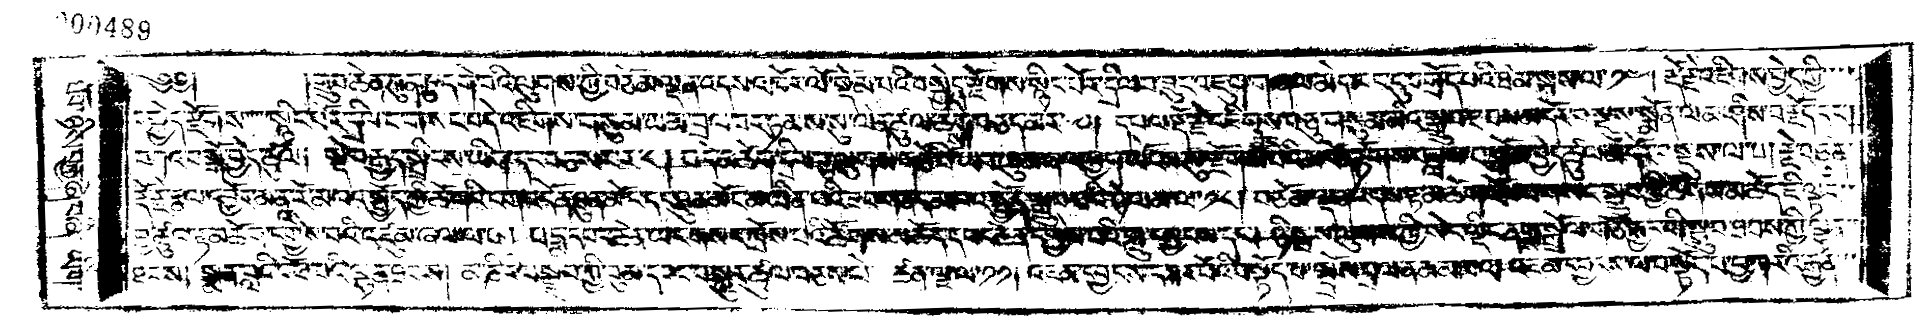༄༅། །གྲུབ་ཆེན་ཀུན་ཏུ་དགེ་བའི་ལུགས་ཀྱི་བཅོམ་ལྡན་འདས་འཁོར་ལོ་སྡོམ་པའི་བསྐྱེད་རྫོགས་སྙིང་པོར་དྲིལ་བཟུང་འཇུག་གཞལ་མེད་ཁང་དུ་བགྲོད་པའི་ཐེམ་སྐྲས་ལ ༡༤། རྡོ་རྗེ་འཇིགས་བྱེད་ཀྱི་
བསྐྱེད་རྫོགས་སྙིང་པོར་དྲིལ་བ་གསང་བདེ་འཇིགས་གསུམ་མ་བྲལ་བར་ཉམས་སུ་ལེན་ཚུལ་ཚིགས་བཅད་མར ༧། དཔལ་རྡོ་རྗེ་འཇིགས་བྱང་བཅུ་གསུམ་མའི་སྒྲུབ་ཐབས་མདོར་བསྡུས་སྨོན་ལམ་ཤིས་བརྗོད་དང་།
བཀའ་བསྒོ་བྱེད་ཚུལ། སྡེ་སྤྲིངས་ཡིག་དང་བཅད་སྤར༨། བདེ་མཆོག་དྲིལ་བུ་ལུགས་གཙོ་བོ་ཡབ་ཡུམ་ཞལ་ཕྱག་ཡོངས་སུ་རྫོགས་པའི་མངོན་རྟོགས་བཟླས་བསྒོམ་བྱེད་ཚུལ་མདོར་བསྡུས་ལ ༥། རྗེ་བཙུན་
རྡོ་རྗེ་རྣལ་འབྱོར་མ་ནཱ་རོ་མཁའ་སྤྱོད་ཀྱི་ཆོ་གའི་ངག་འདོན་ཐུན་མོང་དང་ཐུན་མོང་མ་ཡིན་པའི་ཟབ་གནད་མཁའ་སྤྱོད་སྒྲུབ་པའི་ཉེ་ལམ་ལ༡༨། བཅོམ་ལྡན་འདས་རྟ་མཆོག་རོལ་པ་གསང་སྒྲུབ་ཀྱི་ཚོགས་མཆོད་ཇི་ལྟར་
བྱ་ཚུལ་རྟ་མཆོག་དགྱེས་པའི་འཛུམ་ཞལ་ལ༦། པདམ་དབང་ཆེན་ཡང་གསང་ཁྲོས་པའི་ཚོགས་མཆོད་དབང་ཆེན་དགྱེས་པའི་གླུ་དབྱངས་དང་། ཉི་སྦས་ལུགས་ཀྱི་སེང་ལྡིང་ནགས་སྒྲོལ་གཙོ་རྐྱང་གི་སྒྲུབ་ཐབས་ཀྱི་ལྷན་
ཐབས། སྨན་བླའི་འཕོ་བའི་ལྷན་ཐབས། མཎི་རིལ་སྒྲུབ་ཀྱི་བུམ་དབང་བསྐུར་ཚུལ་བཅས་ལེ་ཚན་ལྔ་ལ ༡༡། འཇམ་དབྱངས་དཀར་པོའི་བསྟོད་པ་སྤྲོས་བྲལ་ནམ་མཁའ། འཇམ་དབྱངས་ལ་བསྟོད་པ་བྱ་ཀ་རའི་རྒྱན་